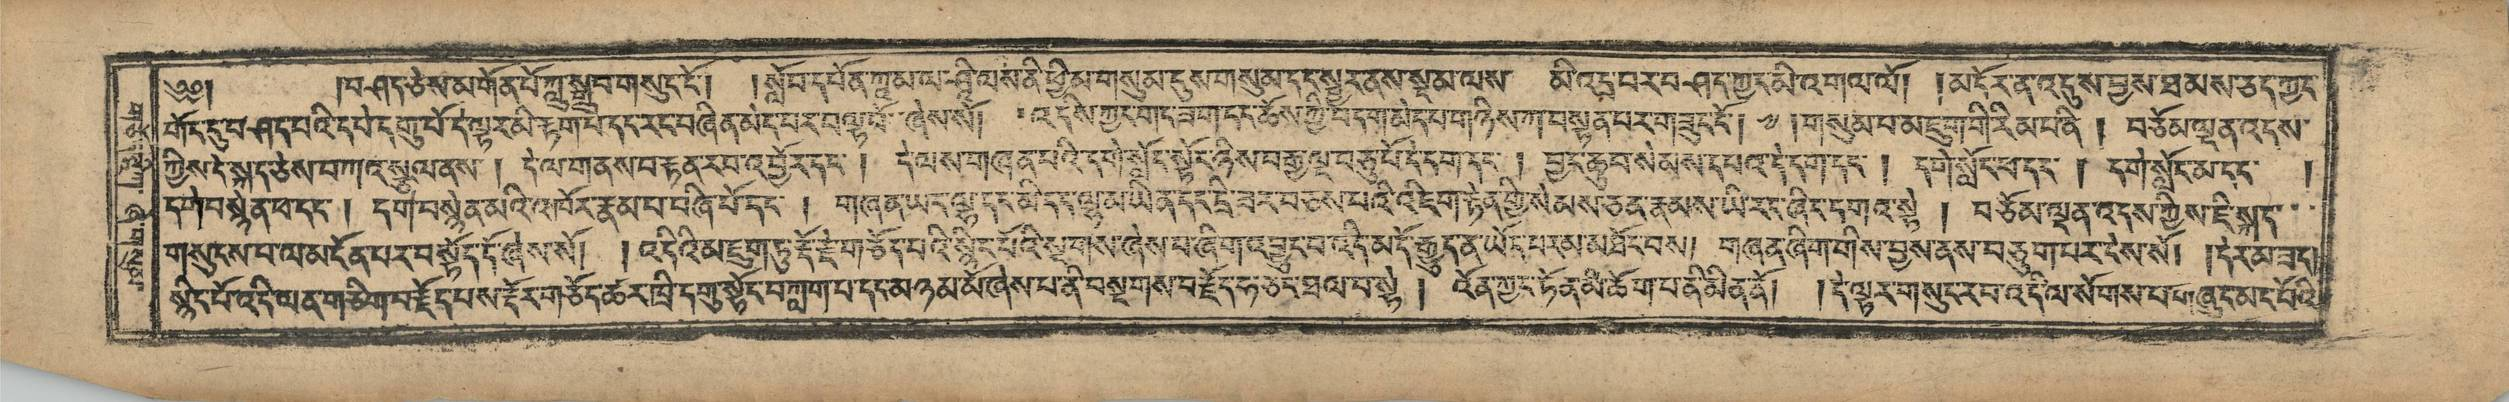༄༅། །བཤད་ཙམ་མགོན་པོ་ཀླུ་སྒྲུབ་གསུང་ངོ། །སློབ་དཔོན་ཀཱ་མ་ལ་ཤཱི་ལས་ནི་ཕྱི་མ་གསུམ་དུས་གསུམ་དང་སྦྱར་ནས་སྔ་མ་ལས་མི་འདྲ་བར་བཤད་ཀྱང་མི་འགལ་ལོ། །མདོར་ན་འདུས་བྱས་ཐམས་ཅད་ཀྱང་
གོང་དུ་བཤད་པའི་དཔེ་དགུ་པོ་དེ་ལྟར་མི་རྟག་པ་དང་རང་བཞིན་མེད་པར་བལྟའོ་ཞེས་སོ། འདིས་ཀྱང་གང་ཟག་དང་ཆོས་ཀྱི་བདག་མེད་པ་གཉིས་ཀ་བསྟན་པར་གཟུང་ངོ། ༈ །གསུམ་པ་མཇུག་གི་རིམ་པ་ནི། བཅོམ་ལྡན་འདས་
ཀྱིས་དི་སྐད་ཅེས་བཀའ་སྩལ་ནས། དེ་ལ་གནས་བརྟན་རབ་འབྱོར་དང་། དེ་ལས་གཞན་པའི་དགེ་སློང་སྟོང་ཉིས་བརྒྱ་ལྔ་བཅུ་པོ་དེ་དག་དང་། བྱང་ཆུབ་སེམས་དཔའ་དེ་དག་དང་། དགེ་སློང་ཕ་དང་། དགེ་སློང་མ་དང་།
དགེ་བསྙེན་ཕ་དང་། དགེ་བསྙེན་མའི་འཁོར་རྣམ་པ་བཞི་པོ་དང་། གཞན་ཡང་ལྷ་དང་མི་དང་ལྷ་མ་ཡིན་དང་དྲི་ཟར་བཅས་པའི་འཇིག་རྟེན་གྱི་སེམས་ཅན་རྣམས་ཡི་རང་ཞིང་དགའ་སྟེ། བཅོམ་ལྡན་འདས་ཀྱིས་ཇི་སྐད་
གསུངས་པ་ལ་མངོན་པར་བསྟོད་དོ་ཞེས་སོ། །འདིའི་མཇུག་ཏུ་རྡོ་རྗེ་གཅོད་པའི་སྙིང་པོའི་སྔགས་ཞེས་པ་ཞིག་འབྱུང་བ་འདི་མདོ་རྒྱུད་ན་ཡོད་པར་མ་མཐོང་བས། གཞན་ཞིག་གིས་བྱས་ནས་བཅུག་པར་ངེས་སོ། །དེར་མ་ཟད།
སྙིང་པོ་འདི་ལན་གཅིག་བརྗོད་པས་རྡོར་གཅོད་ཚར་ཁྲི་དགུ་སྟོང་བཀླག་པ་དང་མཉམ་མོ་ཞེས་པ་ནི་བསྔགས་བརྗོད་ཧ་ཅང་ཐལ་བ་སྟེ། འོན་ཀྱང་ཏོན་མི་ཆོག་པ་ནི་མིན་ནོ། །དེ་ལྟར་གསུང་རབ་འདི་ལ་སོགས་པ་གཞུང་མང་པོའི་